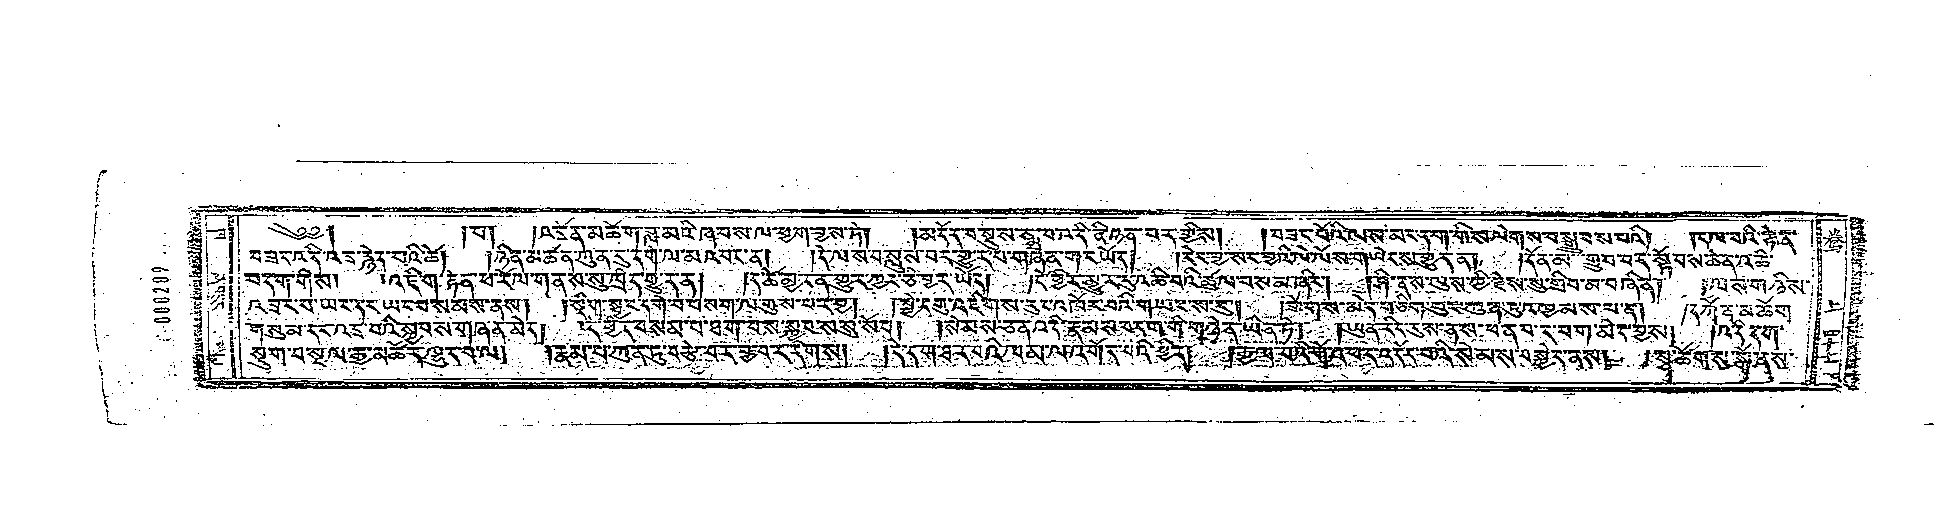༄༅། །པ། །འདྲེན་མཆོག་བླ་མའི་ཞབས་ལ་ཕྱག་བྱས་ཏེ། །མདོར་བསྡུས་སྨྲ་བ་འདི་ནི་ཉན་པར་གྱིས། །བཟང་པོའི་ལམ་མང་དག་གིས་ལེགས་བསྒྲུབས་པའི། །དལ་བའི་རྟེན་
བཟང་འདི་འདྲ་རྙེད་པའི་ཚེ། །ཉིན་མཚན་ཀུན་དུ་དགེ་ལ་མ་འབད་ན། །དེ་ལས་བསླུས་བར་གྱུར་པ་གཞན་གང་ཡོད། །དེང་བྱ་སང་བྱའི་ལེ་ལོས་གཡེངས་གྱུར་ན། །དོན་མ་གྲུབ་པར་སྟོབས་ཆེན་འཆི་
བདག་གིས། །འཇིག་རྟེན་ཕ་རོལ་གནས་སུ་ཁྲིད་གྱུར་ན། །ད་ཚེ་མྱ་ངན་གྱུར་ཀྱང་ཅི་བྱར་ཡོད། །དེ་ཕྱིར་མྱུར་དུ་འཆི་བའི་ཚུལ་བས་མ་ཞིང་། །ཤི་ནས་ལུས་ཀྱི་རྗེས་སུ་གྲིབ་མ་བཞིན། །ལས་གཉིས་
འབྲང་བ་ཡང་དང་ཡང་བསམས་ནས། །སྡིག་སྦྱང་དགེ་བ་བསག་ལ་གུས་པར་བྱ། །སྐྱེ་དགུ་འཇིགས་རུང་འཁོར་བའི་གཡང་ས་རུ། །གྲོགས་མེད་གཅིག་བུར་ཀུན་ཏུ་འཁྱམས་པ་ན། །དཀོན་མཆོག་
གསུམ་དང་འདྲ་བའི་སྐྱབས་གཞན་མེད། །དེ་ཕྱིར་བསམ་བ་ཐག་པས་སྐྱབས་སུ་སོང་། །སེམས་ཅན་འདི་རྣམས་བདག་གི་གཉེན་ཡིན་ཏེ། །ཡུན་རིང་དུས་ནས་ཕན་པ་དཔག་མེད་བྱས། །འདི་དག་
སྡུག་བསྔལ་རྒྱ་མཚོར་ལྷུང་བ་ལ། །རྣམ་པ་ཀུན་ཏུ་བརྩེ་བར་བྱ་བར་རིགས། །དེ་དག་ཐར་བའི་ལམ་ལ་འགོད་པའི་ཕྱིར། །རྒྱལ་བའི་གོ་འཕང་འདོད་པའི་སེམས་བསྐྱེད་ནས། །སྣ་ཚོགས་སྒོ་ནས་